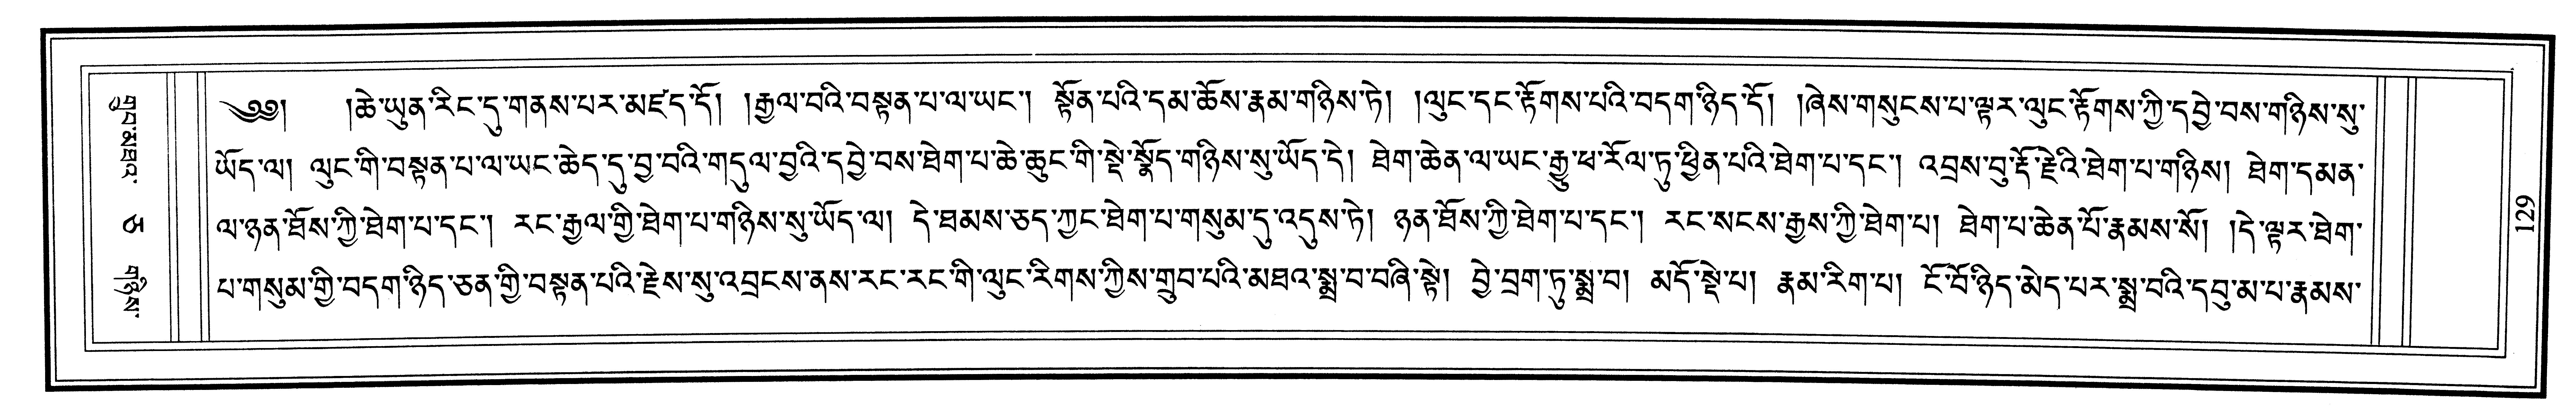༄༅། །ཆེ་ཡུན་རིང་དུ་གནས་པར་མཛད་དོ། །རྒྱལ་བའི་བསྟན་པ་ལ་ཡང་། སྟོན་པའི་དམ་ཆོས་རྣམ་གཉིས་ཏེ། །ལུང་དང་རྟོགས་པའི་བདག་ཉིད་དོ། །ཞེས་གསུངས་པ་ལྟར་ལུང་རྟོགས་ཀྱི་དབྱེ་བས་གཉིས་སུ་
ཡོད་ལ། ལུང་གི་བསྟན་པ་ལ་ཡང་ཆེད་དུ་བྱ་བའི་གདུལ་བྱའི་དབྱེ་བས་ཐེག་པ་ཆེ་ཆུང་གི་སྡེ་སྣོད་གཉིས་སུ་ཡོད་དེ། ཐེག་ཆེན་ལ་ཡང་རྒྱུ་ཕ་རོལ་ཏུ་ཕྱིན་པའི་ཐེག་པ་དང་། འབྲས་བུ་རྡོ་རྗེའི་ཐེག་པ་གཉིས། ཐེག་དམན་
ལ་ཉན་ཐོས་ཀྱི་ཐེག་པ་དང་། རང་རྒྱལ་གྱི་ཐེག་པ་གཉིས་སུ་ཡོད་ལ། དེ་ཐམས་ཅད་ཀྱང་ཐེག་པ་གསུམ་དུ་འདུས་ཏེ། ཉན་ཐོས་ཀྱི་ཐེག་པ་དང་། རང་སངས་རྒྱས་ཀྱི་ཐེག་པ། ཐེག་པ་ཆེན་པོ་རྣམས་སོ། །དེ་ལྟར་ཐེག་
པ་གསུམ་གྱི་བདག་ཉིད་ཅན་གྱི་བསྟན་པའི་རྗེས་སུ་འབྲངས་ནས་རང་རང་གི་ལུང་རིགས་ཀྱིས་གྲུབ་པའི་མཐའ་སྨྲ་བ་བཞི་སྟེ། བྱེ་བྲག་ཏུ་སྨྲ་བ། མདོ་སྡེ་པ། རྣམ་རིག་པ། ངོ་བོ་ཉིད་མེད་པར་སྨྲ་བའི་དབུ་མ་པ་རྣམས་